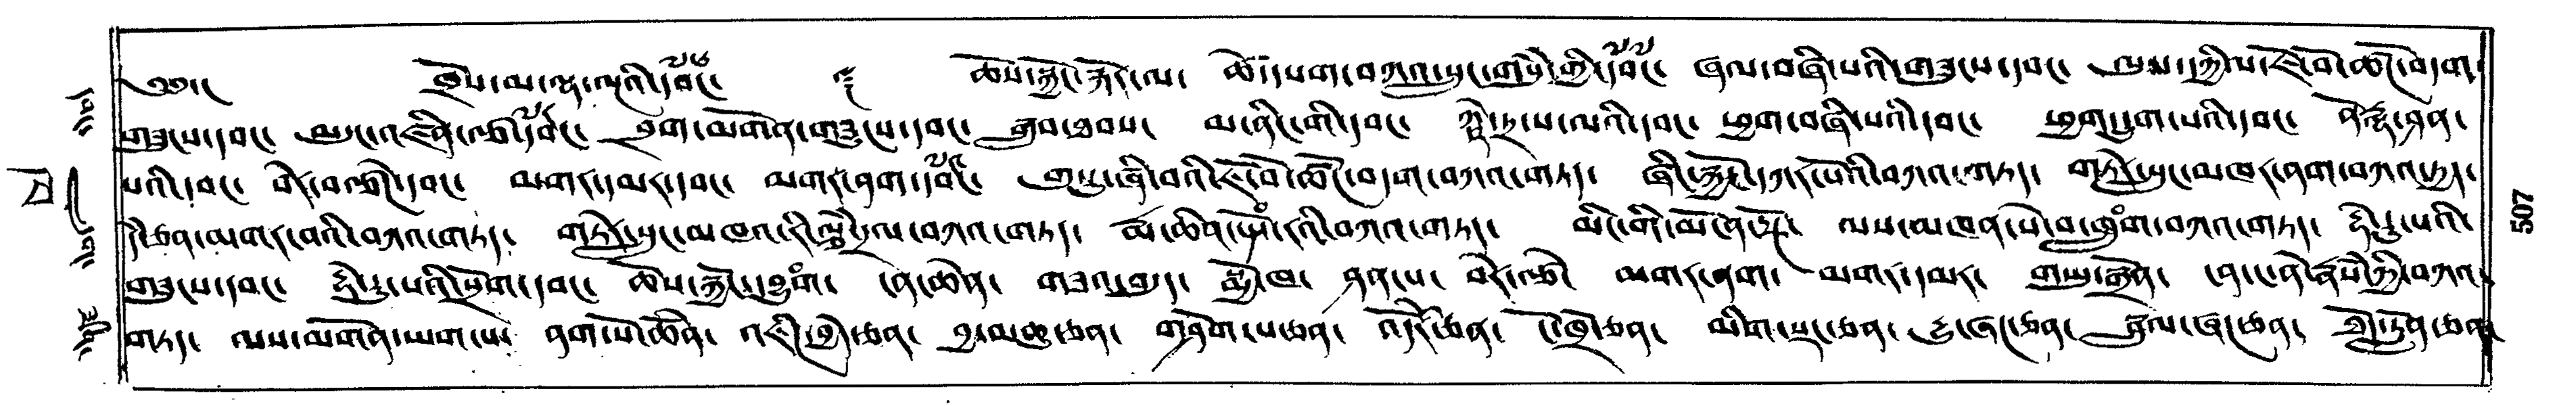ཁྲོས་མ་ལྷ་ལྔའི་དབང་༧༦། ༈ ཆོས་སྐྱོང་སྐོར་ལ། ཚེ་དཔག་བཀའ་སྲུང་གསུམ་གྱི་དབང་༧༧། ཞལ་བཞི་པའི་གཟུངས་དབང་། ལུས་དཀྱིལ་ཇོ་བོ་ཚོགས་བདག་
གཟུངས་དབང་། མདུང་འཛིན་རྩ་དབང་༧༨། བྲག་མགོན་གཟུངས་དབང་། སྒྲུབ་ཐབས། མ་ནིང་གི་དབང་། ཀྵེ་ཏྲ་པ་ལའི་དབང་། ཕྱག་གཞི་པའི་དབང་། ཕྱག་དྲུག་པའི་དབང་། ནོར་ལྷ་ཤན་
པའི་དབང་། བེར་བརྩེགས་དབང་། མགར་དམར་དབང་། མགར་ནག་དབང་༧༩། གུ་རུ་ཞི་བའི་ཇོ་བོ་ཚོགས་བདག་བཀའ་གཏད། ཞིང་སྐྱོང་དཀར་པོའི་བཀའ་གཏད། གཏེར་སྲུང་མཁར་ནག་བཀའ་གཏད། 
དམ་ཅན་མགར་བའི་བཀའ་གཏད། གཏེར་སྲུང་མཁའ་རི་ལྕམ་དྲལ་བཀའ་གཏད། རྨ་ཆེན་སྤོམ་རའི་བཀའ་གཏད། མིང་གི་མངོན་རྟོགས། ལས་མཁན་སེ་བ་ཁྲ་འཐུང་བཀའ་གཏད། དྷེ་རུ་པའི་
གཟུངས་དབང་། དྷེ་རུ་པའི་སྲོག་དབང་། ཆོས་སྐྱོང་དབང་ཕྱུག ངན་ཆེན། གཟའ་བདུད། སྨྱོ་ཁ། ཤན་པ། བེར་རྩེ། མགར་ནག མགར་དམར། གཡུ་སྒྲོན། ངན་ནེ་རྣམས་ཀྱི་བཀའ་
གཏད། ལས་མགོན་ཡག་པ། ནག་པོ་ཆེན་པོ། འཇིགས་བྱེད་ཅན། བྱ་མཆུ་ཅན། གཤོག་པ་ཅན། འོད་ཟེར་ཅན།ངོ་ཁྲོ་ཅན། མིག་སྡང་ཅན། རྒྱུ་ཞགས་ཅན། སྦྲུལ་ཞགས་ཅན། ཐོད་རློན་ཅན།